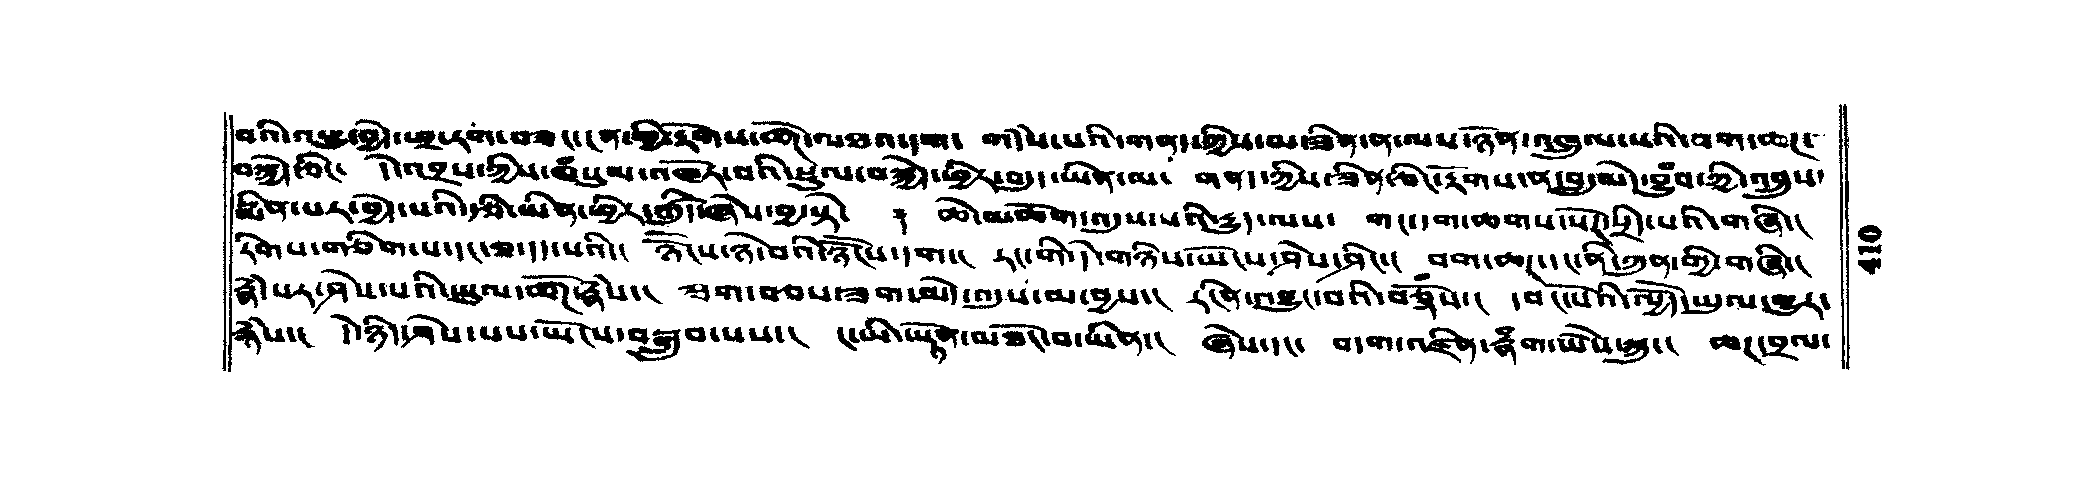བའི་འགྱུ་བྱེད་ཕྲ་རགས་བཟང་ངན་གྱི་རྟོག་ཚོགས་མཐའ་དག གདམས་པའི་གནད་ཀྱིས་མ་ཟིན་ན་ལས་ངན་འཁྲུལ་བའི་བག་ཆགས་
བསྐྱེད་ཅིང་། དེ་འབྲས་ཀྱིས་ཁམས་གསུམ་འཁོར་བའི་སྡུག་བསྔལ་བསྐྱེད་ཕྱིར་བདུད་ཡིན་ལ། གནད་ཀྱིས་ཟིན་ཅིང་རྟོགས་ན་བླ་མེད་བྱང་ཆུབ་ཀྱི་འབྲས་བུ་
སྨིན་པར་བྱེད་པའི་རྩི་ཡིན་ཕྱིར་བདུད་རྩི་ཞེས་བྱ་སྟེ། ཆེ་མཆོག་འདུས་པའི་རྒྱུད་ལས། གང་དག་ཆགས་སོགས་སྲིད་པའི་གཞི། །
རིགས་གཅིག་པ་དང་ཐ་དད་པའི། །ཉོན་མོངས་ཉེ་བའི་ཉོན་མོངས་དག།རང་གི་དེ་གཉིས་ཡོངས་ཤེས་ཤིང་། །བག་ཆགས་དང་ནི་ཀུན་གྱི་གཞི། །
རྣམ་པར་ཤེས་པའི་ཡུལ་ཚོགས་རྣམས། །ཟག་བཅས་ཟག་མེད་འདུས་མ་བྱས། །རང་བཞིན་འབྱུང་བའི་བཅོམ་ལྡན་འདས། །དབང་པོའི་ལོངས་སྤྱོད་ཡུལ་གྱུར་
རྣམས། །དེ་ཉིད་ཤེས་པས་ཡོངས་བསྒྲུབ་པས། །ང་ཡི་ཡོན་ཏན་མཐོང་བ་ཡིན། ཞེས་དང་། བདག་འཛིན་རྣམ་དག་ཡེ་ཤེས་སྐུ། །ཆགས་བྲལ་